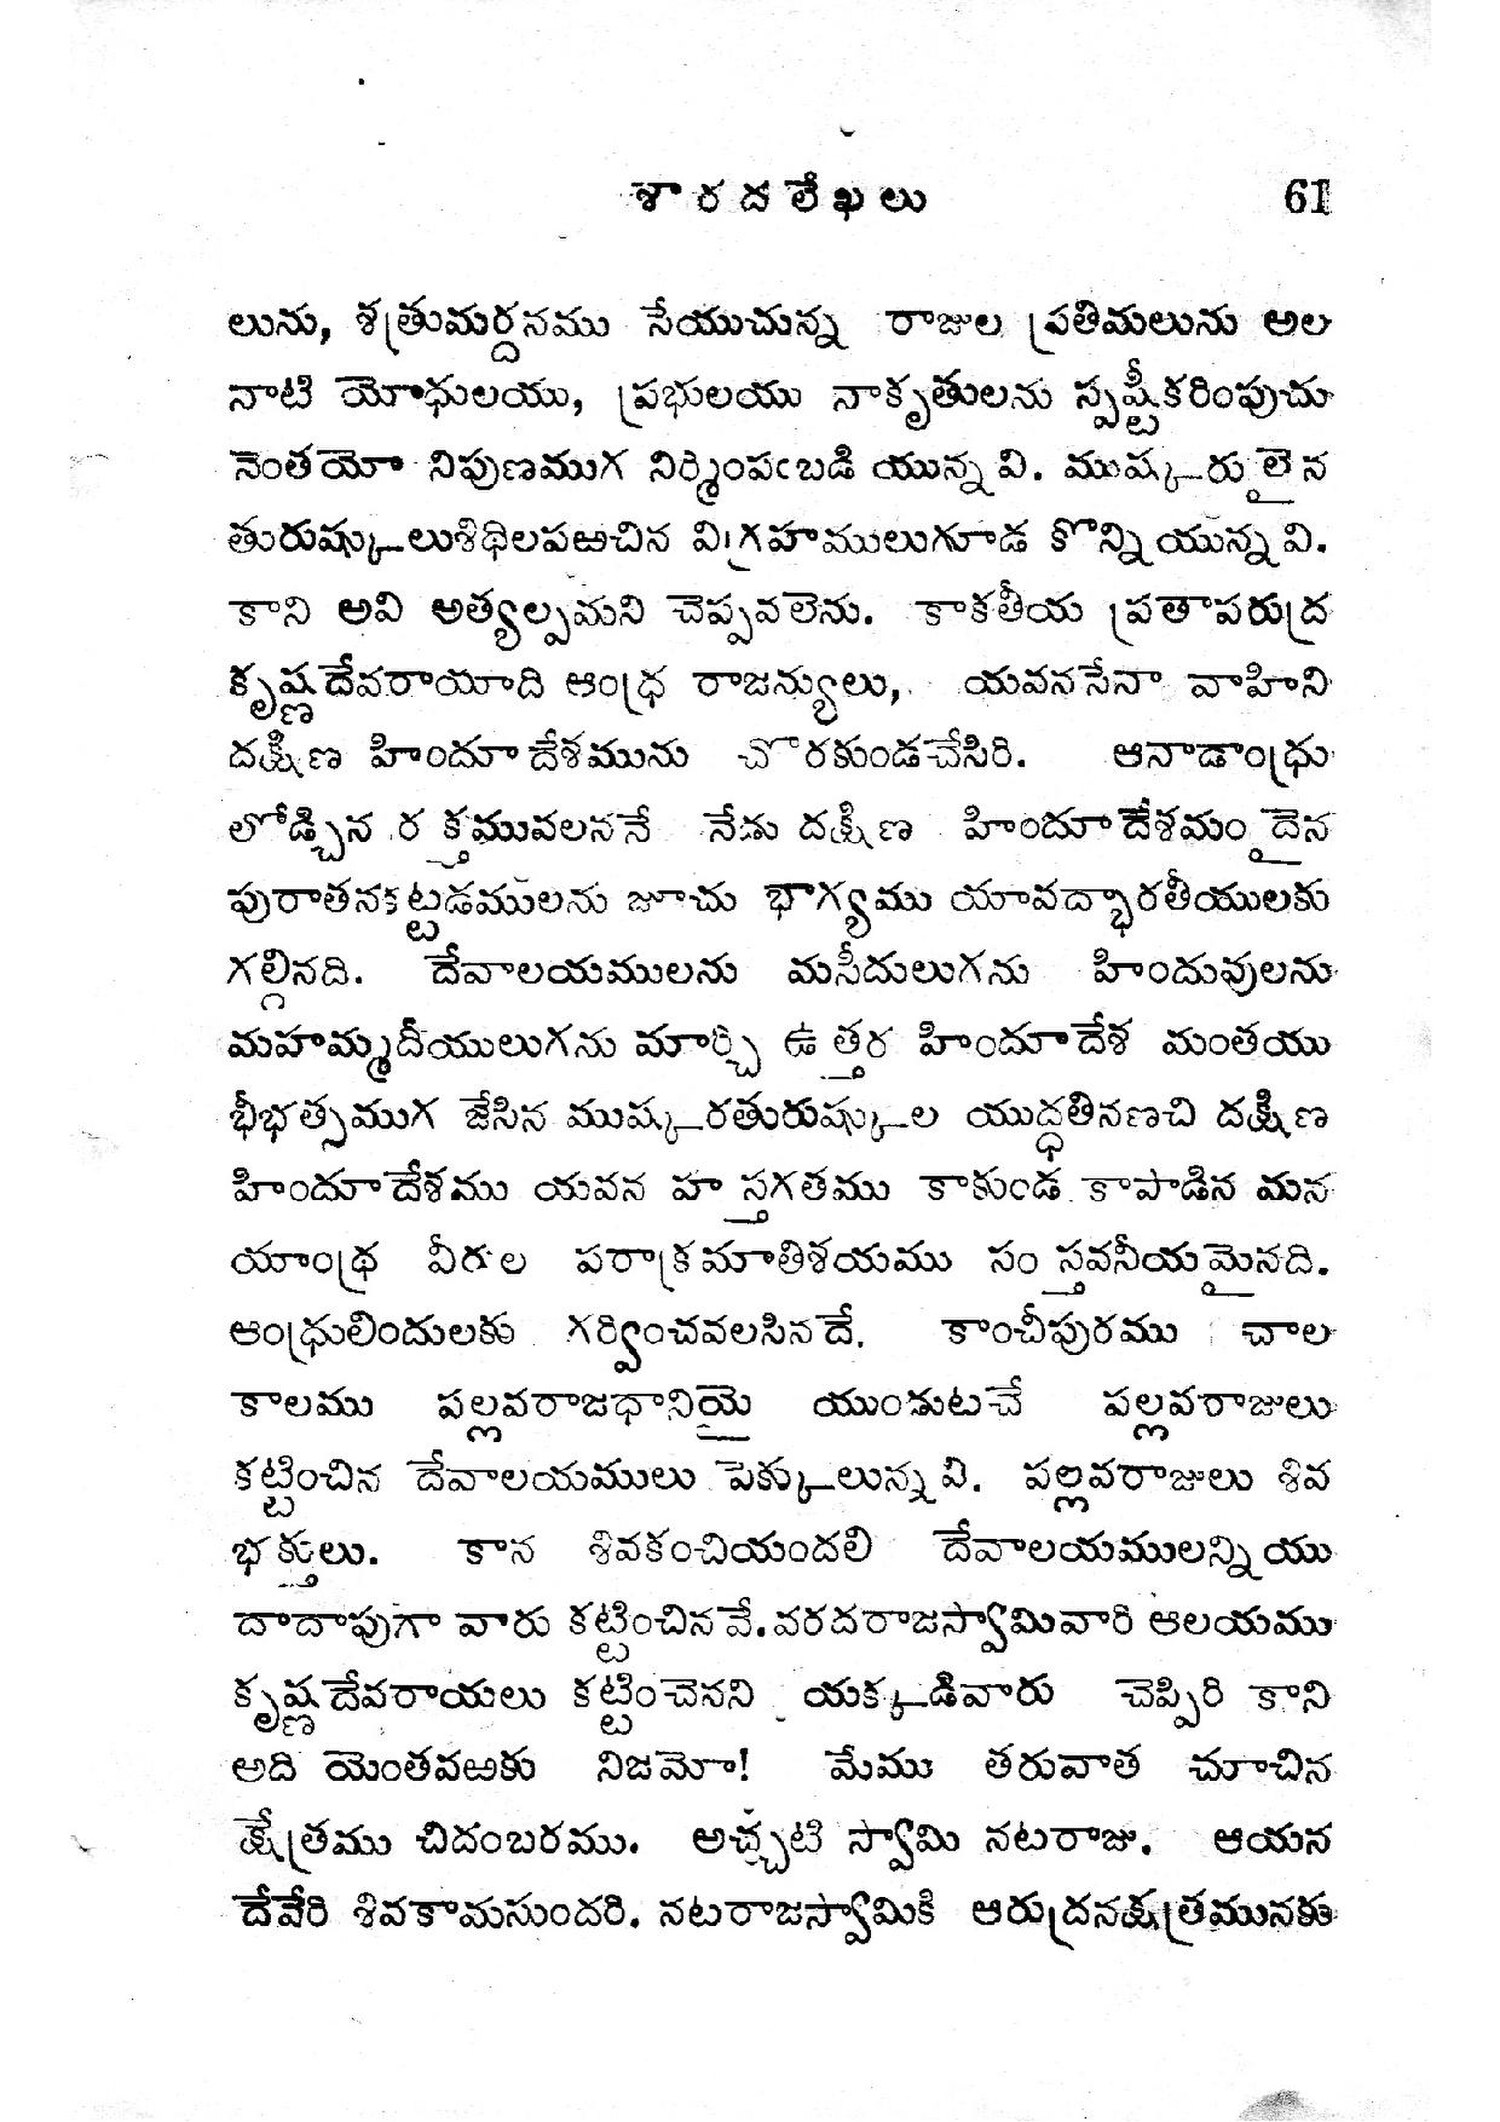లును, శత్రుమర్దనము సేయుచున్న రాజుల ప్రతిమలును అలనాటి యోధులయు, ప్రభులయు నాకృతులను స్పష్టీకరింపుచు నెంతయో నిపుణముగ నిర్మింపఁబడి యున్నవి. ముష్కరులైన తురుష్కులుశిథిలపఱచిన విగ్రహములుగూడ కొన్నియున్నవి. కాని అవి అత్యల్పమని చెప్పవలెను. కాకతీయ ప్రతాపరుద్ర
కృష్ణదేవరాయాది ఆంధ్ర రాజన్యులు, యవనసేనా వాహిని దక్షిణ హిందూదేశమును చొరకుండచేసిరి. ఆనాడాంధ్రు లోడ్చిన రక్తమువలననే నేడు దక్షిణ హిందూదేశమందైన పురాతనకట్టడములను జూచు భాగ్యము యావద్భారతీయులకు గల్గినది. దేవాలయములను మసీదులుగను హిందువులను
మహమ్మదీయులుగను మార్చి ఉత్తర హిందూదేశ మంతయు భీభత్సముగ జేసిన ముష్కరతురుష్కుల యుద్ధతినణచి దక్షిణ హిందూదేశము యవన హస్తగతము కాకుండ కాపాడిన మన యాంథ్ర వీరుల పరాక్రమాతిశయము సంస్తవనీయమైనది. ఆంధ్రులిందులకు గర్వించవలసినదే. కాంచీపురము చాలకాలము పల్లవరాజధానియై యుండుటచే పల్లవరాజులు కట్టించిన దేవాలయములు పెక్కులున్నవి. పల్లవరాజులు శివ
భక్తులు. కాన శివకంచియందలి దేవాలయములన్నియు దాదాపుగా వారు కట్టించినవే. వరదరాజస్వామివారి ఆలయము కృష్ణదేవరాయలు కట్టించెనని యక్కడివారు చెప్పిరి కాని అది యెంతవఱకు నిజమో! మేము తరువాత చూచిన క్షేత్రము చిదంబరము. అచ్చటి స్వామి నటరాజు. ఆయన దేవేరి శివకామసుందరి. నటరాజస్వామికి ఆరుద్రనక్షత్రమునకు